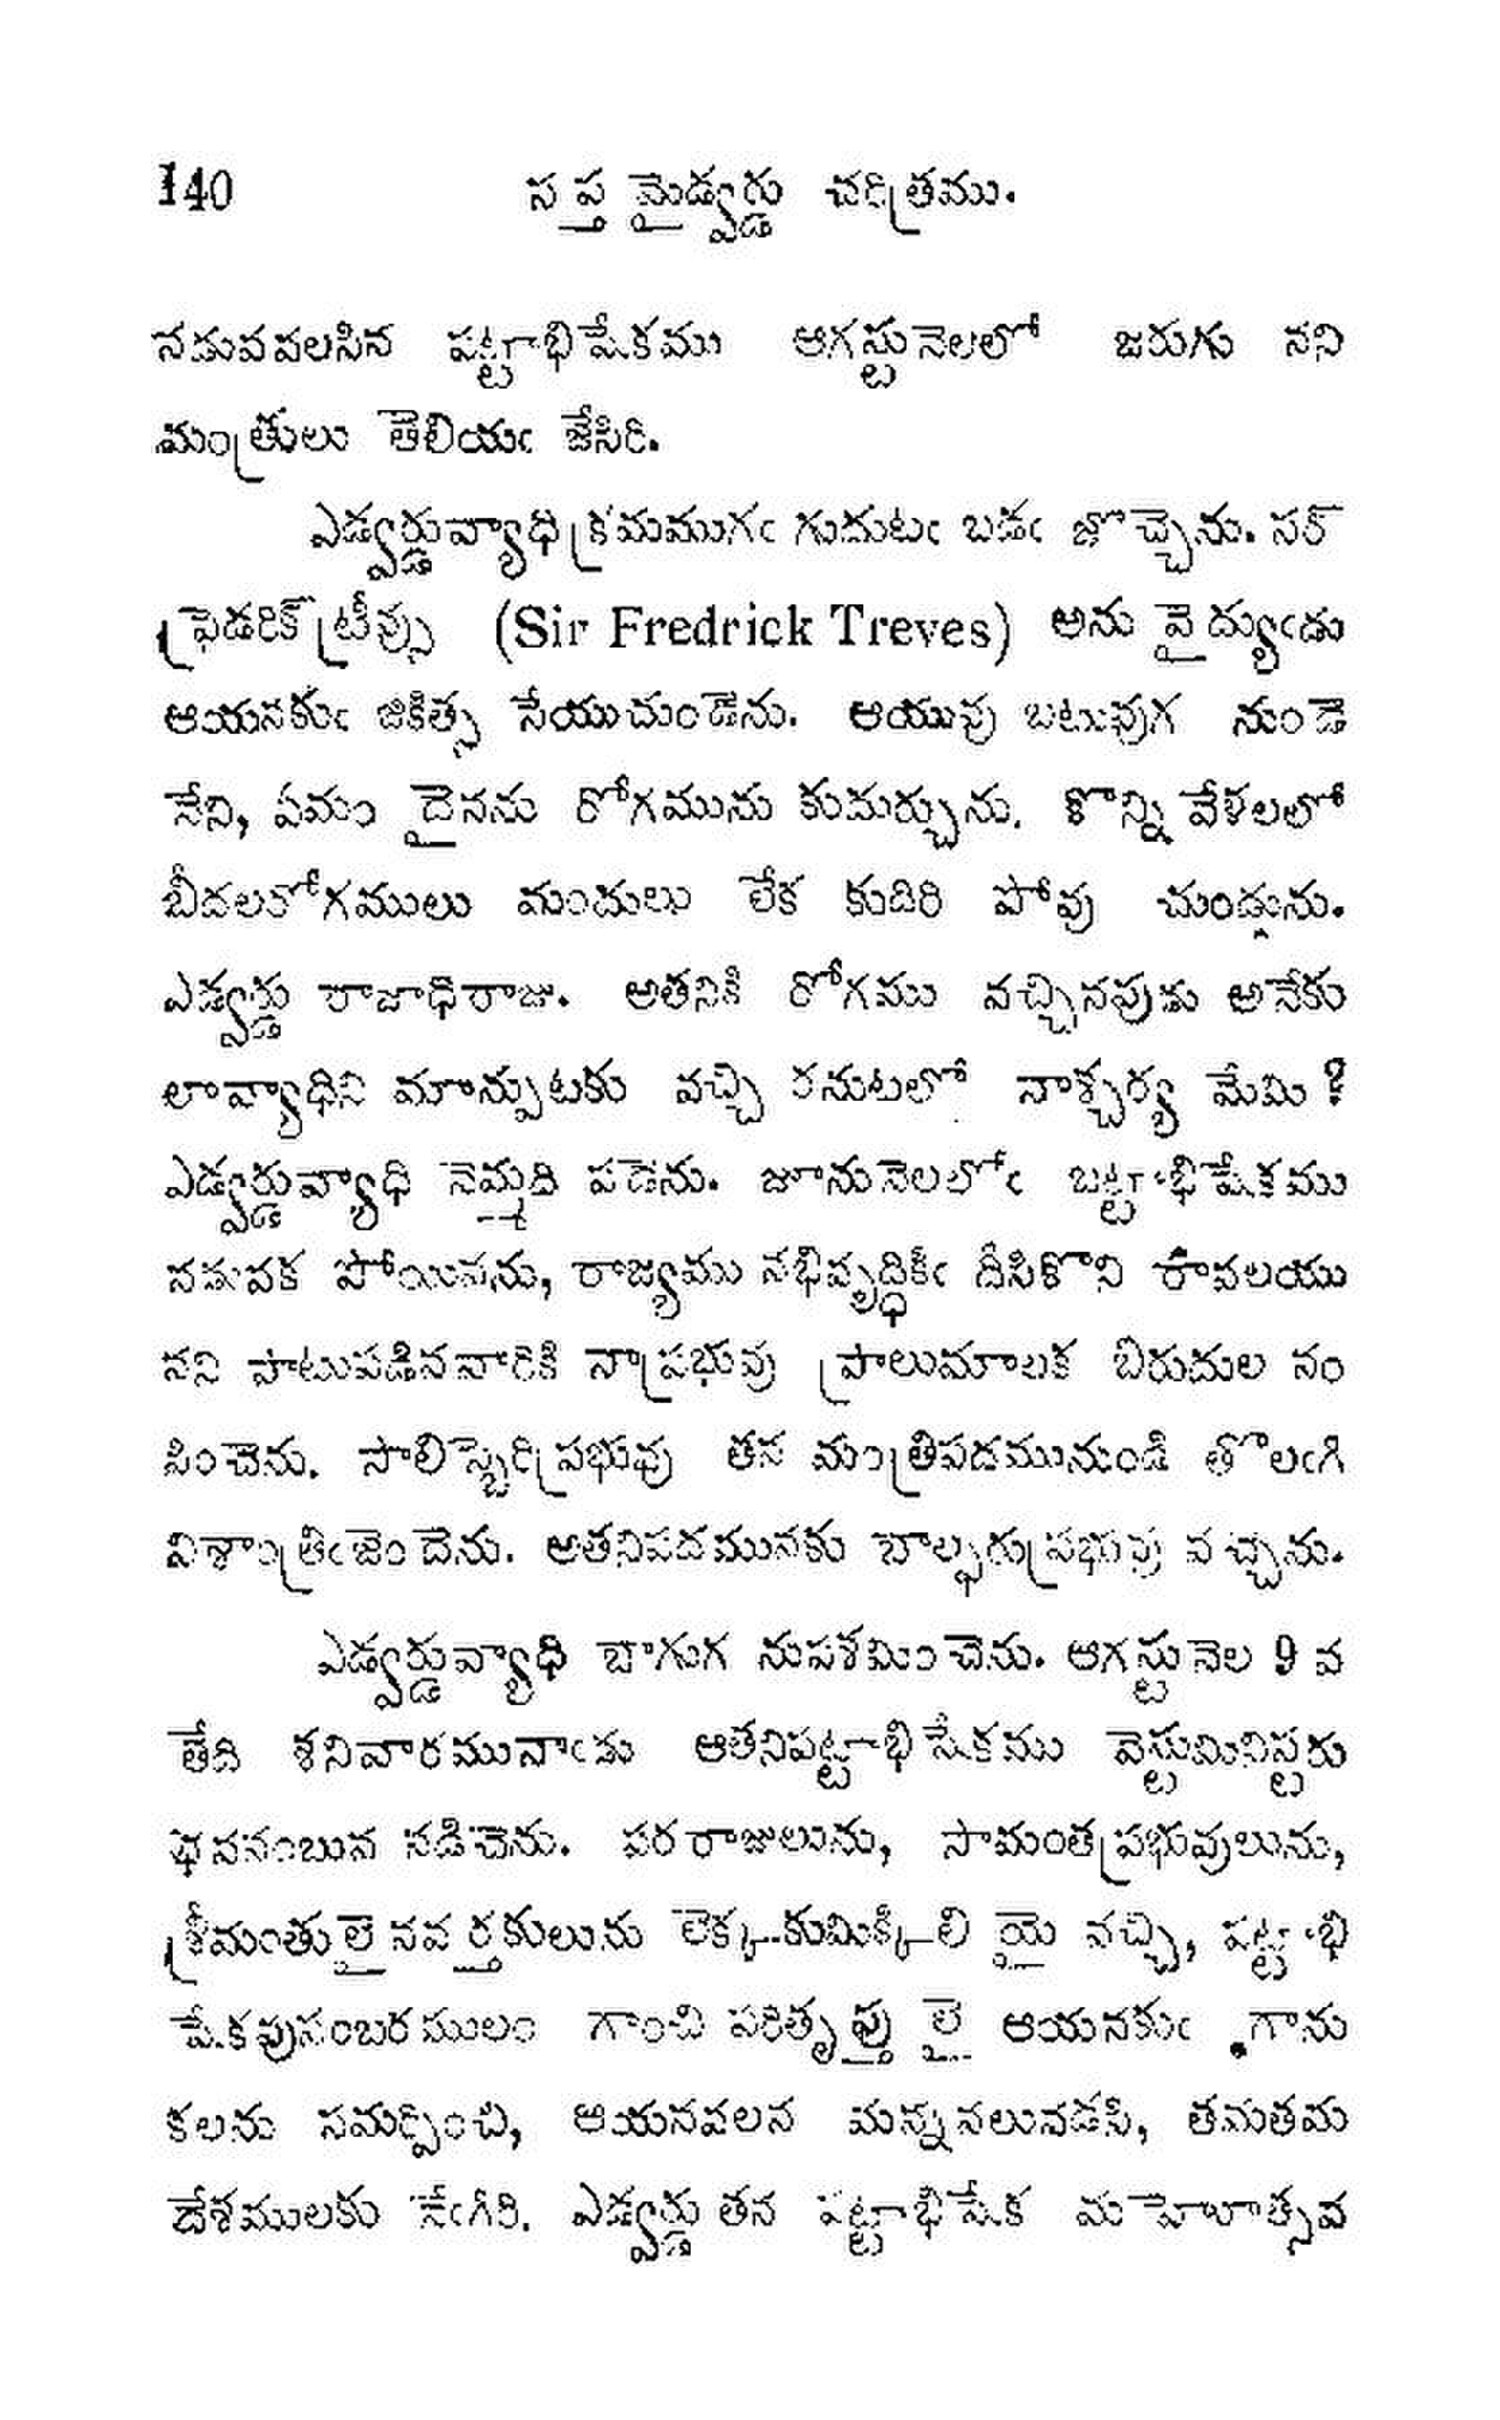నడువ వలసిన పట్టాభిషేకము ఆగస్టు నెలలో జరుగు నని ముత్రులు తెలియఁ జేసిరి.

ఎడ్వర్డు వ్యాధి క్రమముగఁ గుదుటఁ బడఁ జొచ్చెను. సర్ ఫ్రెడరిక్ ట్రీవ్సు(Sir Fredrick Treyes) అను వైద్యుఁడు ఆయనకుఁ జికిత్స సేయుచుండెను. ఆయువు బటువుగ నుండె నేని, ఏమం దైనను రోగమును కుదుర్చును. కొన్ని వేళలలో బీదల రోగములు మందులు లేక కుదిరి పోవు చుండును. ఎడ్వర్లు రాజాధిరాజు. అతనికి రోగము వచ్చినప్పుడు అనేకు లావ్యాధిని మాన్పుటకు వచ్చి రనుటలో నాశ్చర్య మేమి ? ఎడ్వర్డు వ్యాధి నెమ్మది పడెను. జూను నెలలోఁ బట్టా భి షేకము నడువక పోయినను, రాజ్యము సభివృద్ధిఁ దీసికొని రావలయు సని పాటుపడిన వారికి నాప్రభువు ప్రాలుమాలక బిరుదుల నం పించెను. సౌలి స్బెరీ ప్రభువు తన మంత్రి పదమునుండి తొలఁగి విశ్రాంతి జందెను. అతని పదమునకు బాల్ఫరు ప్రభువు వచ్చను.

ఎడ్వర్డు వ్యాధి బాగుగ నుపశమించెను. ఆగస్టు నెల 9 వ తేది శనివారమునాఁడు ఆతనిపట్టాభి సేకము వెస్టుమినిస్టరు భననంబున నడిచెను. పర రాజులును, సామంత ప్రభువులును, శ్రీమంతు లైన వర్తకులును లెక్కకు మిక్కిలి యై వచ్చిరి. పట్టాభి పేకపు సంబరములు గాంచి సంతృప్తులై ఆయనకుఁ గాను కలను సమర్పించి, ఆయనవలన మన్ననలువడసి, తమతమ దేశములకు "నేఁగిరి.. ఎడ్వర్డు తన పట్టాభి సేక మహోత్సవ